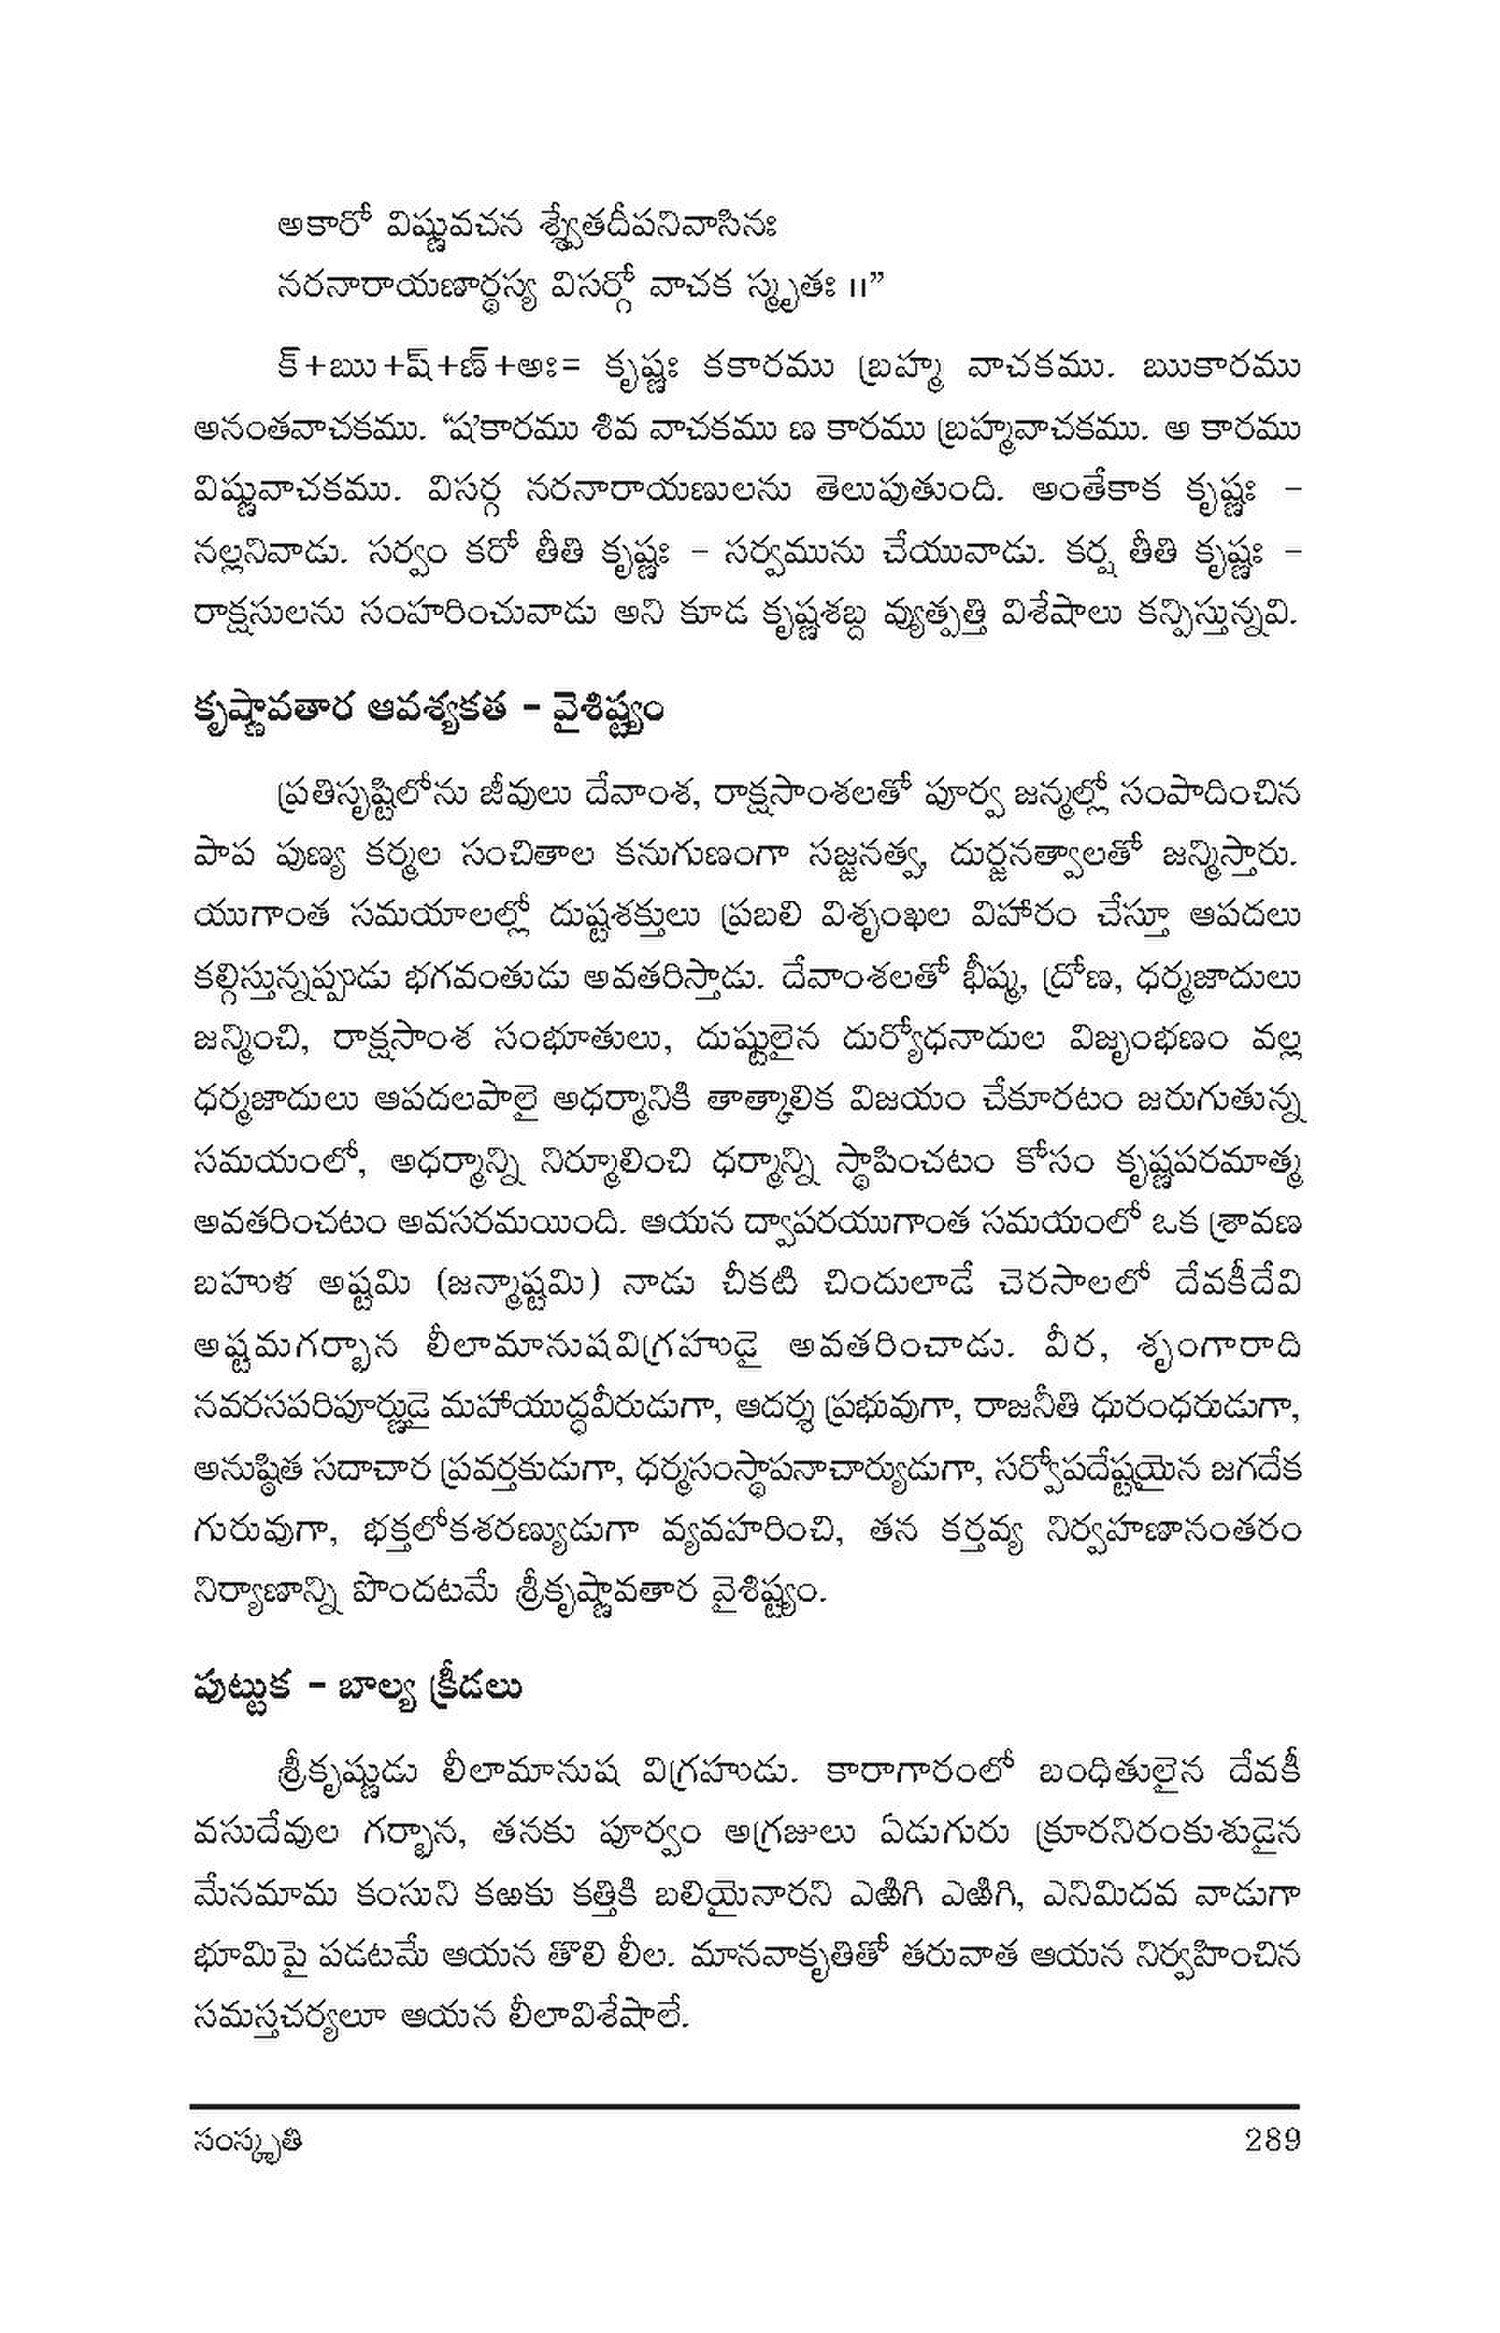అకారో విష్ణువచన శ్శ్వేతదీపనివాసినః
నరనారాయణార్ధస్య విసర్గో వాచక స్మృతః ||"
క్+ఋ+ష్+ణ్+అః= కృష్ణః కకారము బ్రహ్మ వాచకము. ఋకారము
అనంతవాచకము. 'ష'కారము శివ వాచకము ణ కారము బ్రహ్మవాచకము. ఆ కారము
విష్ణువాచకము. విసర్గ నరనారాయణులను తెలుపుతుంది. అంతేకాక కృష్ణః
నల్లనివాడు. సర్వం కరో తీతి కృష్ణః - సర్వమును చేయువాడు. కర్ష తీతి కృష్ణః
రాక్షసులను సంహరించువాడు అని కూడ కృష్ణశబ్ద వ్యుత్పత్తి విశేషాలు కన్పిస్తున్నవి.

కృష్ణావతార ఆవశ్యకత - వైశిష్ట్యం

ప్రతిసృష్టిలోను జీవులు దేవాంశ, రాక్షసాంశలతో పూర్వ జన్మల్లో సంపాదించిన
పాప పుణ్య కర్మల సంచితాల కనుగుణంగా సజ్జనత్వ, దుర్జనత్వాలతో జన్మిస్తారు.
యుగాంత సమయాలల్లో దుష్టశక్తులు ప్రబలి విశృంఖల విహారం చేస్తూ ఆపదలు
కల్గిస్తున్నప్పుడు భగవంతుడు అవతరిస్తాడు. దేవాంశలతో భీష్మ, ద్రోణ, ధర్మజాదులు
జన్మించి, రాక్షసాంశ సంభూతులు, దుష్టులైన దుర్యోధనాదుల విజృంభణం వల్ల
ధర్మజాదులు ఆపదలపాలై అధర్మానికి తాత్కాలిక విజయం చేకూరటం జరుగుతున్న
సమయంలో, అధర్మాన్ని నిర్మూలించి ధర్మాన్ని స్థాపించటం కోసం కృష్ణపరమాత్మ
అవతరించటం అవసరమయింది. ఆయన ద్వాపరయుగాంత సమయంలో ఒక శ్రావణ
బహుళ అష్టమి (జన్మాష్టమి) నాడు చీకటి చిందులాడే చెరసాలలో దేవకీదేవి
అష్టమగర్భాన లీలామానుషవిగ్రహుడై అవతరించాడు. వీర, శృంగారాది
నవరసపరిపూర్ణుడై మహాయుద్ధవీరుడుగా, ఆదర్శ ప్రభువుగా, రాజనీతి ధురంధరుడుగా,
అనుష్ఠిత సదాచార ప్రవర్తకుడుగా, ధర్మసంస్థాపనాచార్యుడుగా, సర్వోపదేష్టయైన జగదేక
గురువుగా, భక్తలోకశరణ్యుడుగా వ్యవహరించి, తన కర్తవ్య నిర్వహణానంతరం
నిర్యాణాన్ని పొందటమే శ్రీకృష్ణావతార వైశిష్ట్యం.

పుట్టుక - బాల్య క్రీడలు

శ్రీకృష్ణుడు లీలామానుష విగ్రహుడు. కారాగారంలో బంధితులైన దేవకీ
వసుదేవుల గర్భాన, తనకు పూర్వం అగ్రజులు ఏడుగురు క్రూరనిరంకుశుడైన
మేనమామ కంసుని కఱకు కత్తికి బలియైనారని ఎఱిగి ఎఱిగి, ఎనిమిదవ వాడుగా
భూమిపై పడటమే ఆయన తొలి లీల. మానవాకృతితో తరువాత ఆయన నిర్వహించిన
సమస్తచర్యలూ ఆయన లీలావిశేషాలే.